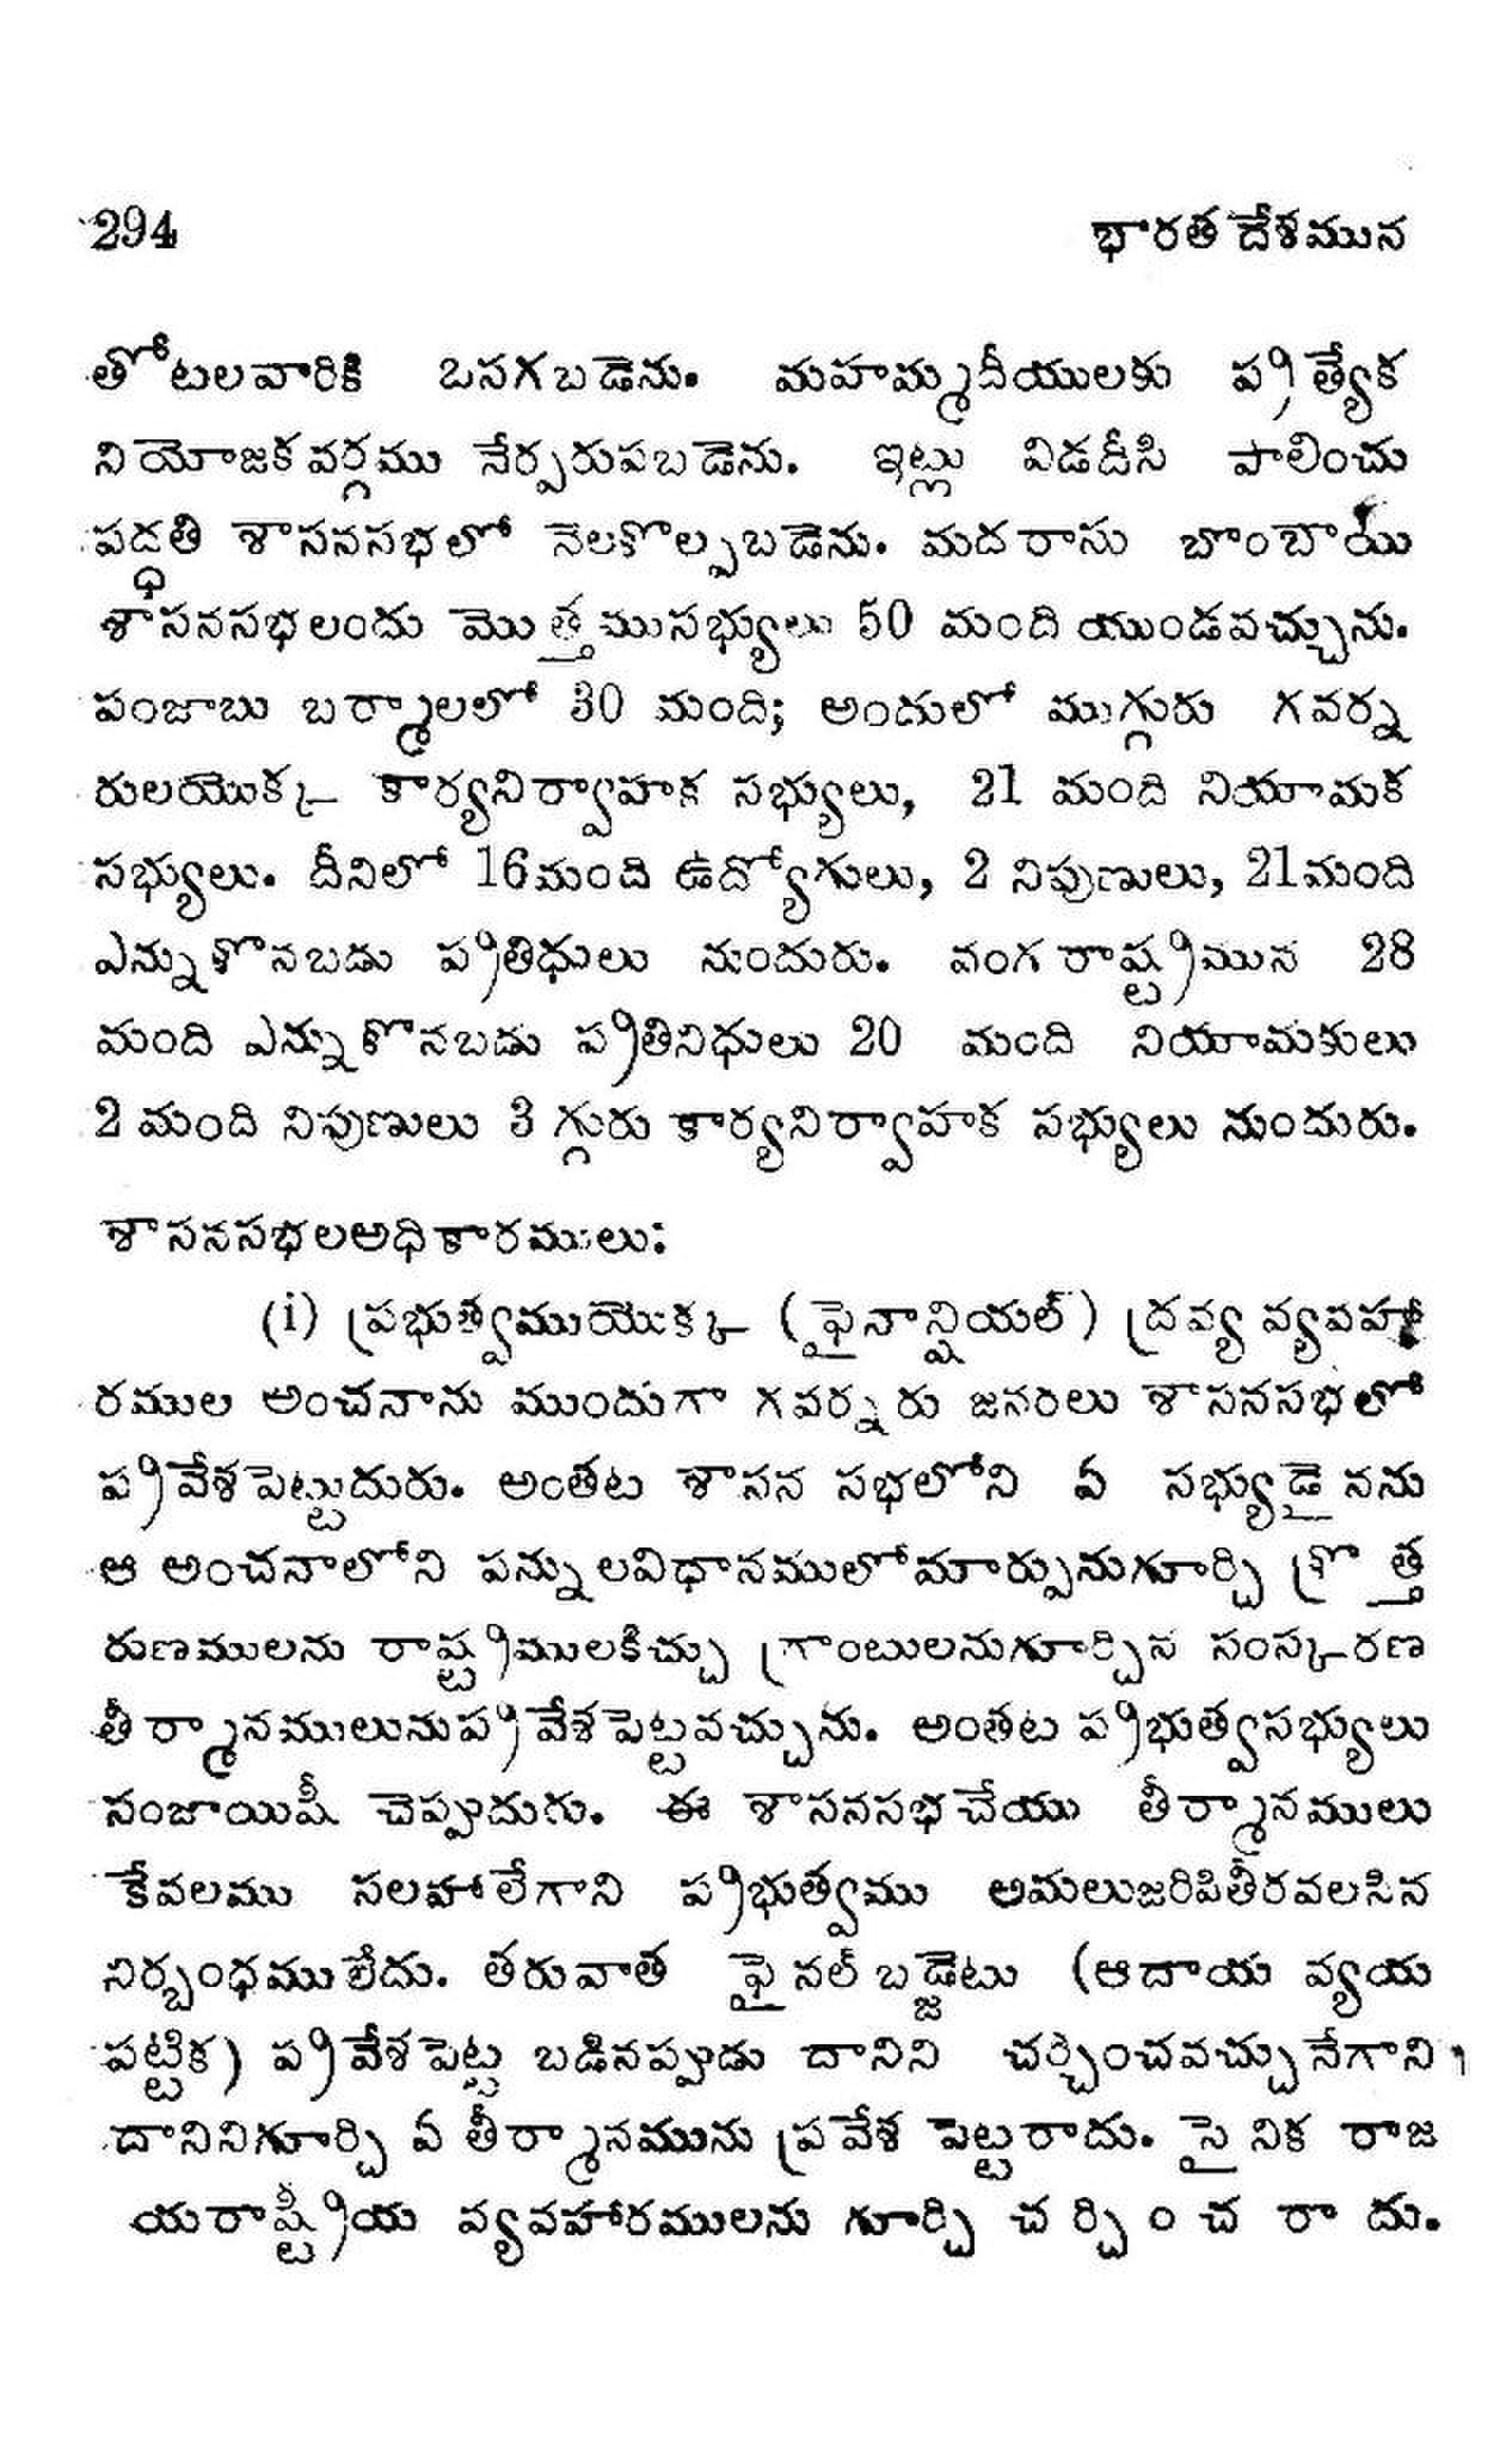తోటలవారికి ఒసగబడెను. మహమ్మదీయులకు ప్రత్యేక నియోజకవర్గము నేర్పరుపబడెను. ఇట్లు విడదీసి పాలించు పద్ధతి శాసనసభలో నెలకొల్పబడెను. మదరాసు బొంబాయి శాసనసభలందు మొత్తముసభ్యులు 50 మంది యుండవచ్చును. పంజాబు బర్మాలలో 30 మంది; అందులో ముగ్గురు గవర్నరులయొక్క కార్యనిర్వాహక సభ్యులు, 21 మంది నియామక సభ్యులు. దీనిలో 16 మంది ఉద్యోగులు, 2 నిపుణులు, 21 మంది ఎన్నుకొనబడు ప్రతిధులు నుందురు. వంగరాష్ట్రమున 28 మంది ఎన్నుకొనబడు ప్రతినిధులు 20 మంది నియామకులు 2 మంది నిపుణులు 3 గ్గురు కార్యనిర్వాహక సభ్యులు నుందురు. 

శాసనసభలఅధికారములు:

(i) ప్రభుత్వముయొక్క (ఫైనాన్షియల్ ) ద్రవ్యవ్యవహారముల అంచనాను ముందుగా గవర్నరు జనరలు శాసనసభలో ప్రవేశపెట్టుదురు. అంతట శాసన సభలోని ఏ సభ్యుడైనను ఆ అంచనాలోని పన్నులవిధానములో మార్పునుగూర్చి క్రొత్త రుణములను రాష్ట్రములకిచ్చు గ్రాంటులనుగూర్చిన సంస్కరణ తీర్మానములును ప్రవేశపెట్టవచ్చును. అంతట ప్రభుత్వసభ్యులు సంజాయిషీ చెప్పుదురు. ఈ శాసనసభచేయు తీర్మానములు కేవలము సలహాలేగాని ప్రభుత్వము అమలుజరిపితీరవలసిన నిర్బంధమలేదు. తరువాత ఫైనల్ బడ్జెటు (ఆదాయ వ్యయపట్టిక) ప్రవేశపెట్ట బడినప్పుడు దానిని చర్చించవచ్చునేగాని దానినిగూర్చి ఏ తీర్మానమును ప్రవేశ పెట్టరాదు. సైనిక రాజయరాష్ట్రీయ వ్యవహారములను గూర్చి చర్చించరాదు.